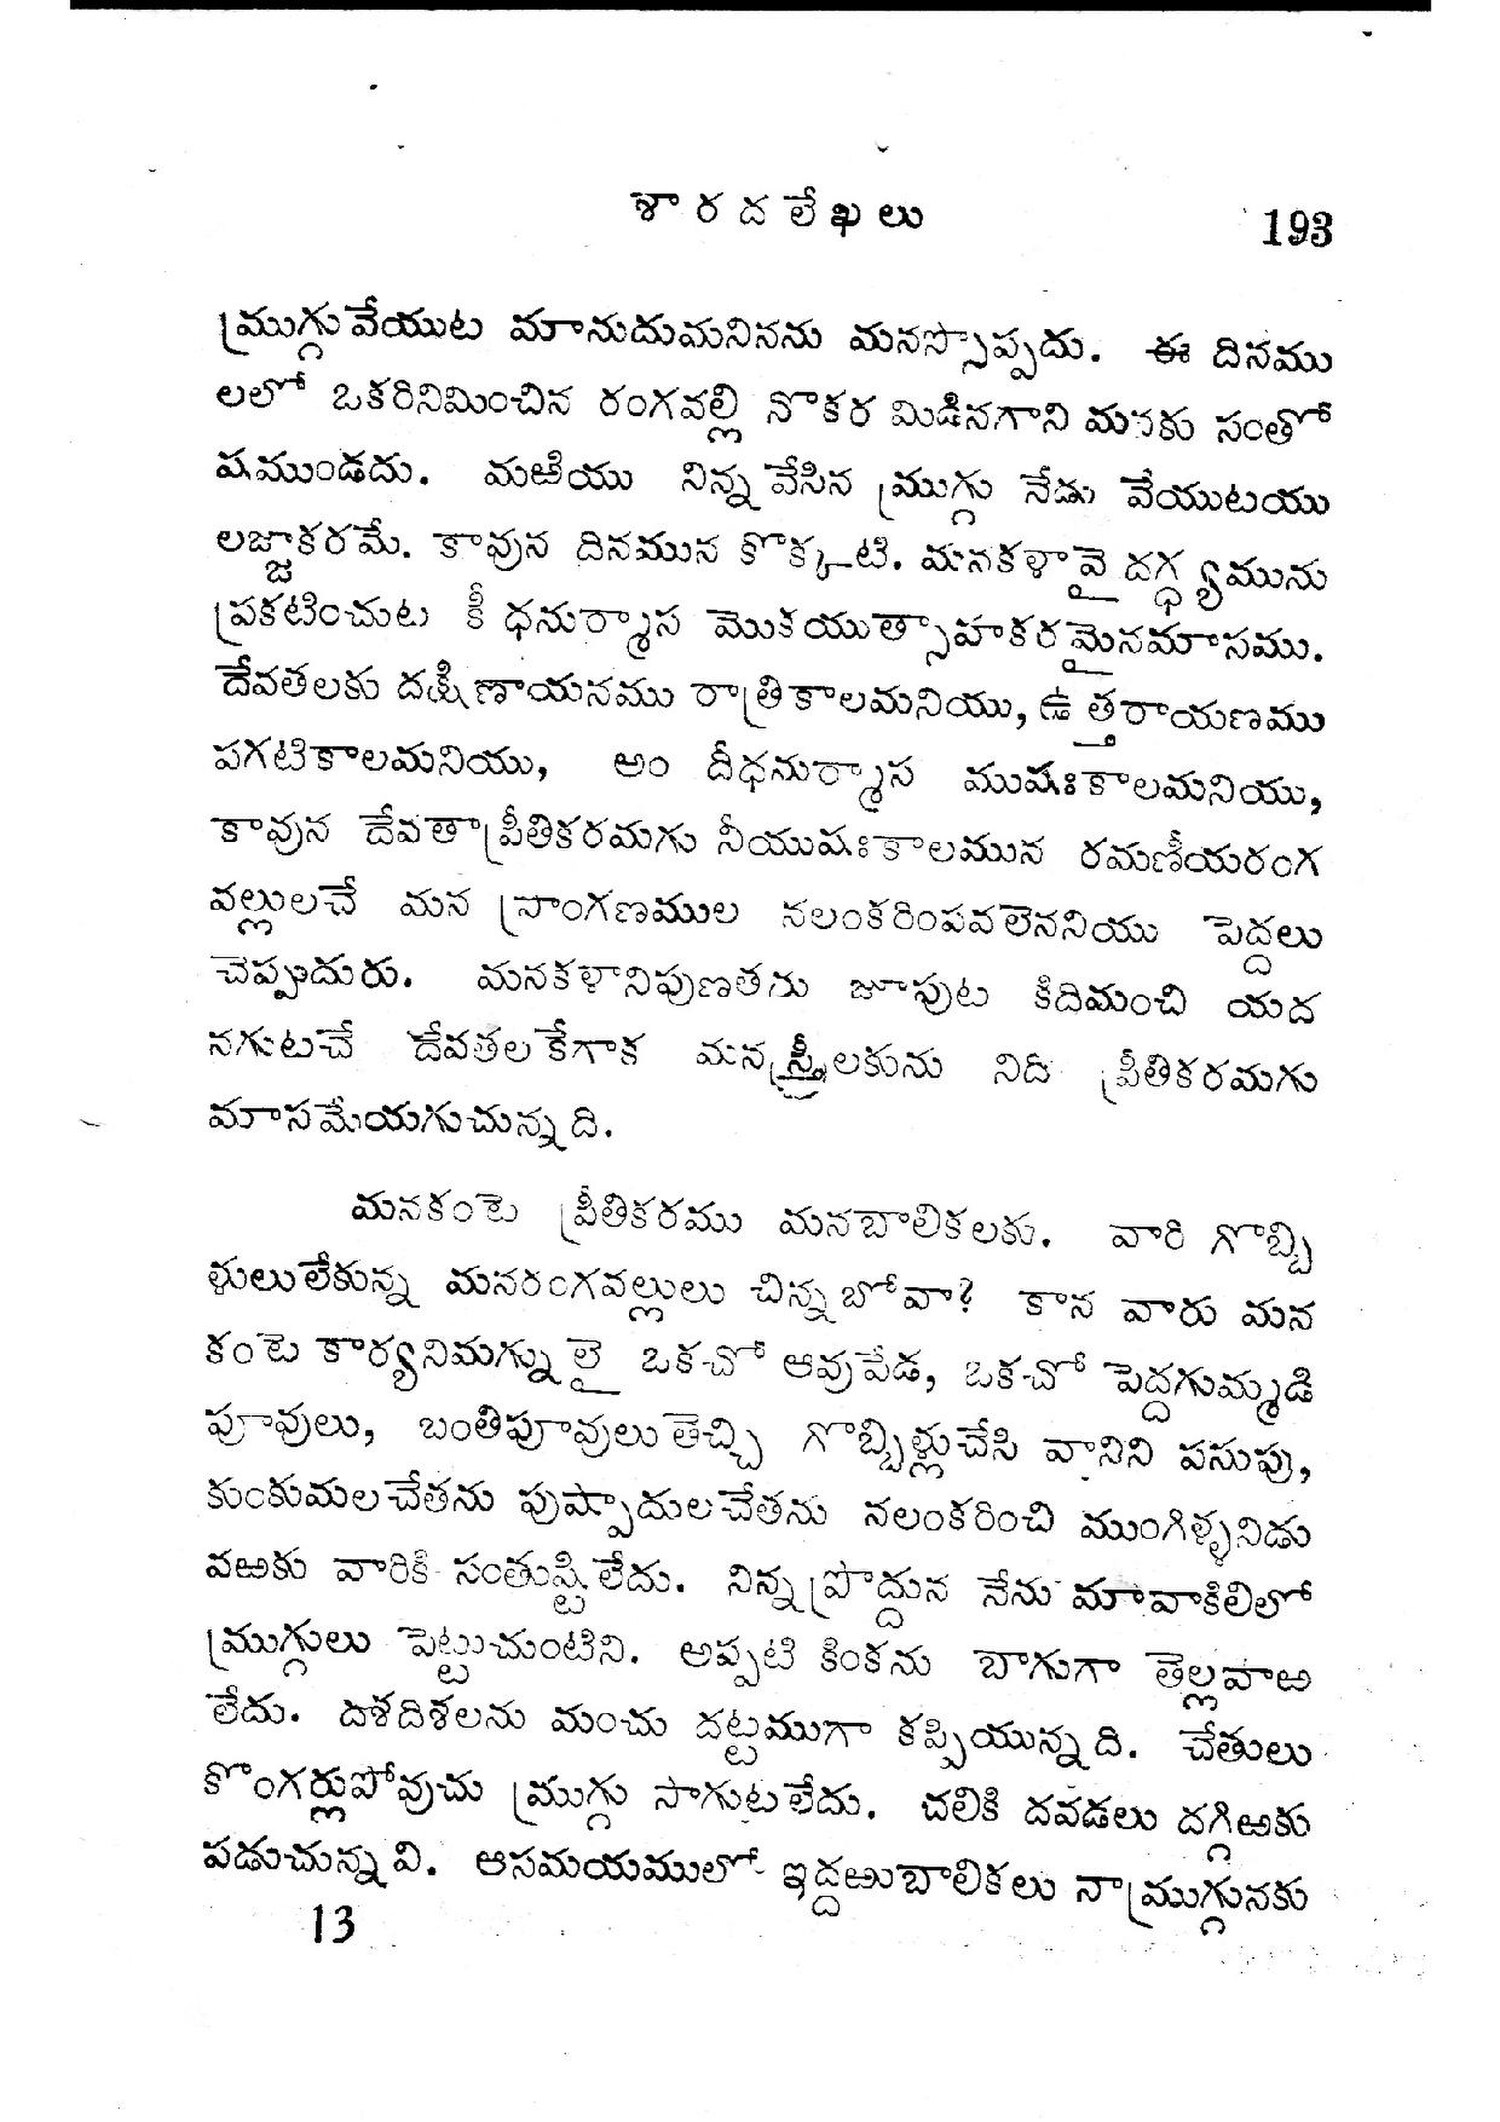మ్రుగ్గువేయుట మానుదుమనినను మనస్సొప్పదు. ఈ దినములలో ఒకరినిమించిన రంగవల్లి నొకర మిడినగాని మనకు సంతోషముండదు. మఱియు నిన్న వేసిన మ్రుగ్గు నేడు వేయుటయు లజ్జాకరమే. కావున దినమున కొక్కటి. మనకళావైదగ్ధ్యమును ప్రకటించుట కీ ధనుర్మాస మొకయుత్సాహకరమైన మాసము. దేవతలకు దక్షిణాయనము రాత్రికాలమనియు, ఉత్తరాయణము పగటికాలమనియు, అం దీధనుర్మాస ముషఃకాలమనియు, కావున దేవతాప్రీతికరమగు నీయుషఃకాలమున రమణీయరంగవల్లులచే మన ప్రాంగణముల నలంకరింపవలెననియు పెద్దలు చెప్పుదురు. మనకళానిపుణతను జూపుట కిదిమంచి యదనగుటచే దేవతలకేగాక మనస్త్రీలకును నిది ప్రీతికరమగు మాసమేయగుచున్నది.

మనకంటె ప్రీతికరము మనబాలికలకు. వారి గొబ్బిళులులేకున్న మనరంగవల్లులు చిన్నబోవా? కాని వారు మనకంటె కార్యనిమగ్నులై ఒకచో ఆవుపేడ, ఒకచో పెద్దగుమ్మడిపూవులు, బంతిపూవులుతెచ్చి గొబ్బిళ్లుచేసి వానిని పసుపు, కుంకుమలచేతను పుష్పాదులచేతను నలంకరించి ముంగిళ్ళనిడు వఱకు వారికి సంతుష్టిలేదు. నిన్నప్రొద్దున నేను మావాకిలిలో మ్రుగ్గులు పెట్టుచుంటిని. అప్పటి కింకను బాగుగా తెల్లవాఱ
లేదు. దశదిశలను మంచు దట్టముగా కప్పియున్నది. చేతులు కొంగర్లుపోవుచు మ్రుగ్గు సాగుటలేదు. చలికి దవడలు దగ్గిఱకు పడుచున్నవి. ఆసమయములో ఇద్దఱుబాలికలు నామ్రుగ్గునకు